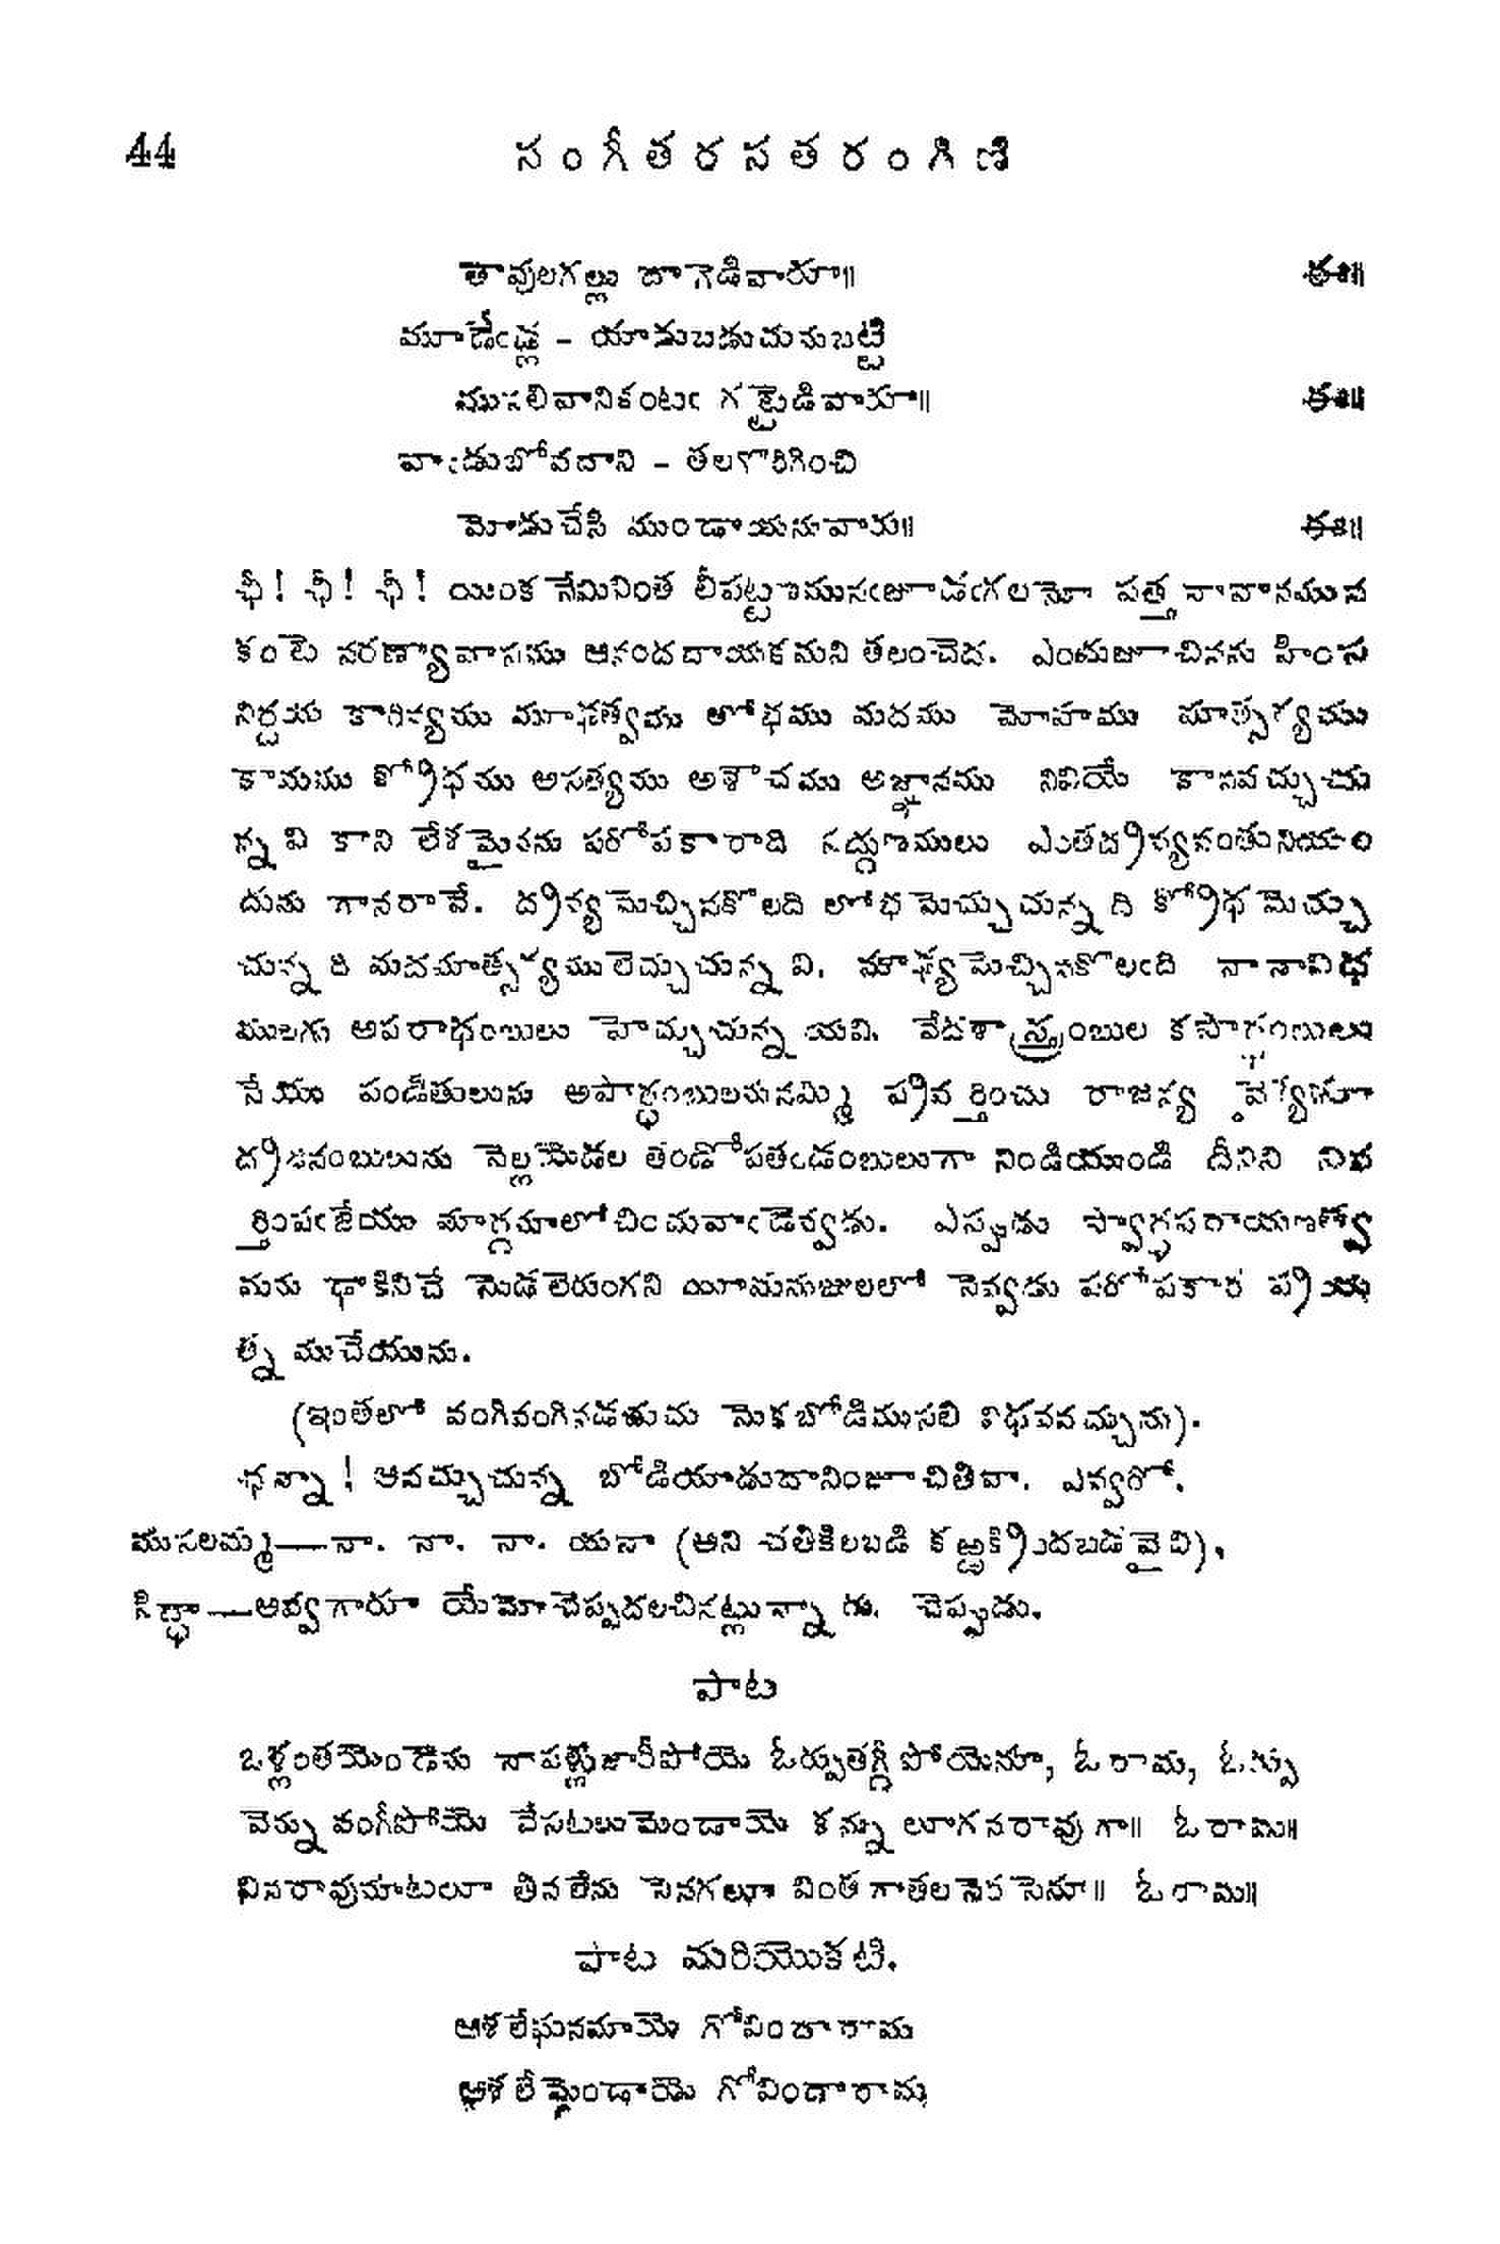తావులగల్లు దాగెడివారూ॥ ॥ ఈ॥ 
మూడేండ్ల - యాడుబడుచునుబట్టి
ముసలివానికంటఁ గట్టెడివారూ॥ ॥ ఈ॥ 
వాఁడుబోవదాని - తలకొరిగించి
మోడుచేసి ముండాయసువారు॥ ॥ఈ॥  

ఛీ! ఛీ! ఛీ! యింకనేమివింత లీపట్టణమునఁజూడఁగలమో పత్తనానానమున కంటే నరణ్యావాసము ఆనందదాయకమని తలంచెద. ఎందుజూచినను హింస నిర్ణయ కాఠిన్యము మూఢత్వము లోభము మదము మోహము మాత్సర్యము కామము క్రొధము అసత్యము 
అశౌచము అజ్ఞానము నీవియే కానవచ్చుచున్నవి కాని లేశమైనను పరోపకారాది సద్గుణములు ఎత్తద్రవ్యవంతు నియందును గానరానే. 
ద్రవ్య మెచ్చినకొలది లోభ మెచ్చుచున్నది కోభ మెచ్చుచున్న మదమాత్సర్యములెచ్చుచున్నవి. మాధ్యమెచ్చిన కొలఁది నానావిధములుగు 
అపరాధంబులు హెచ్చుచున్నయవి. వేదశాస్త్రంబుల కస్వార్థంబులు సేయు పండితులను అపార్ధంబులను నమ్మి ప్రవర్తించు రాజస్య వైశ్యసూద్రజనంబులును నెల్లయెడల తండోపతండంబులుగా నిండియుండి దీనిని నివర్తింభపఁజేయు మార్గమాలోచించువాఁడెవ్యడు. 
ఎప్పుడు స్వార్ధపరాయణత్వమను ఢాకినీచే మెడలెరుంగని యీమనుజులలో నెవ్వడు పరోపకార ప్రయత్నము చేయును.
 

ఛన్నా! ఆవచ్చుచున్న బోడియాడుదానింజూచితినా. ఎవ్వరో, ముసలమ్మా - నా.నా.నా యన (అని చతికిలబడి కఱ్ఱక్రీందబడవైచి).

సిద్ధా — అవ్వగారూ యేమోచెప్పదలచినట్లున్నారు. చెప్పుడు.

ఒళ్లంతంయెండెను నాపళ్లుజారిపోయె ఓర్పుతగ్గిపోయెనూ, ఓ రామ, ఓర్పు 
వెన్ను వంగిపోయె వేసటలుమెండాయె కన్నులూగనరావుగా ॥ ఓ రామ॥ 
వినరావు మాటలూ తినలేను పెనగలూ వింతగాతలనెరసెనూ ॥ ఓ రామ॥ 

ఆశలేఘనమాయె గోవిందా రామ
ఆశలేమొండాయె గోవిందా రామ